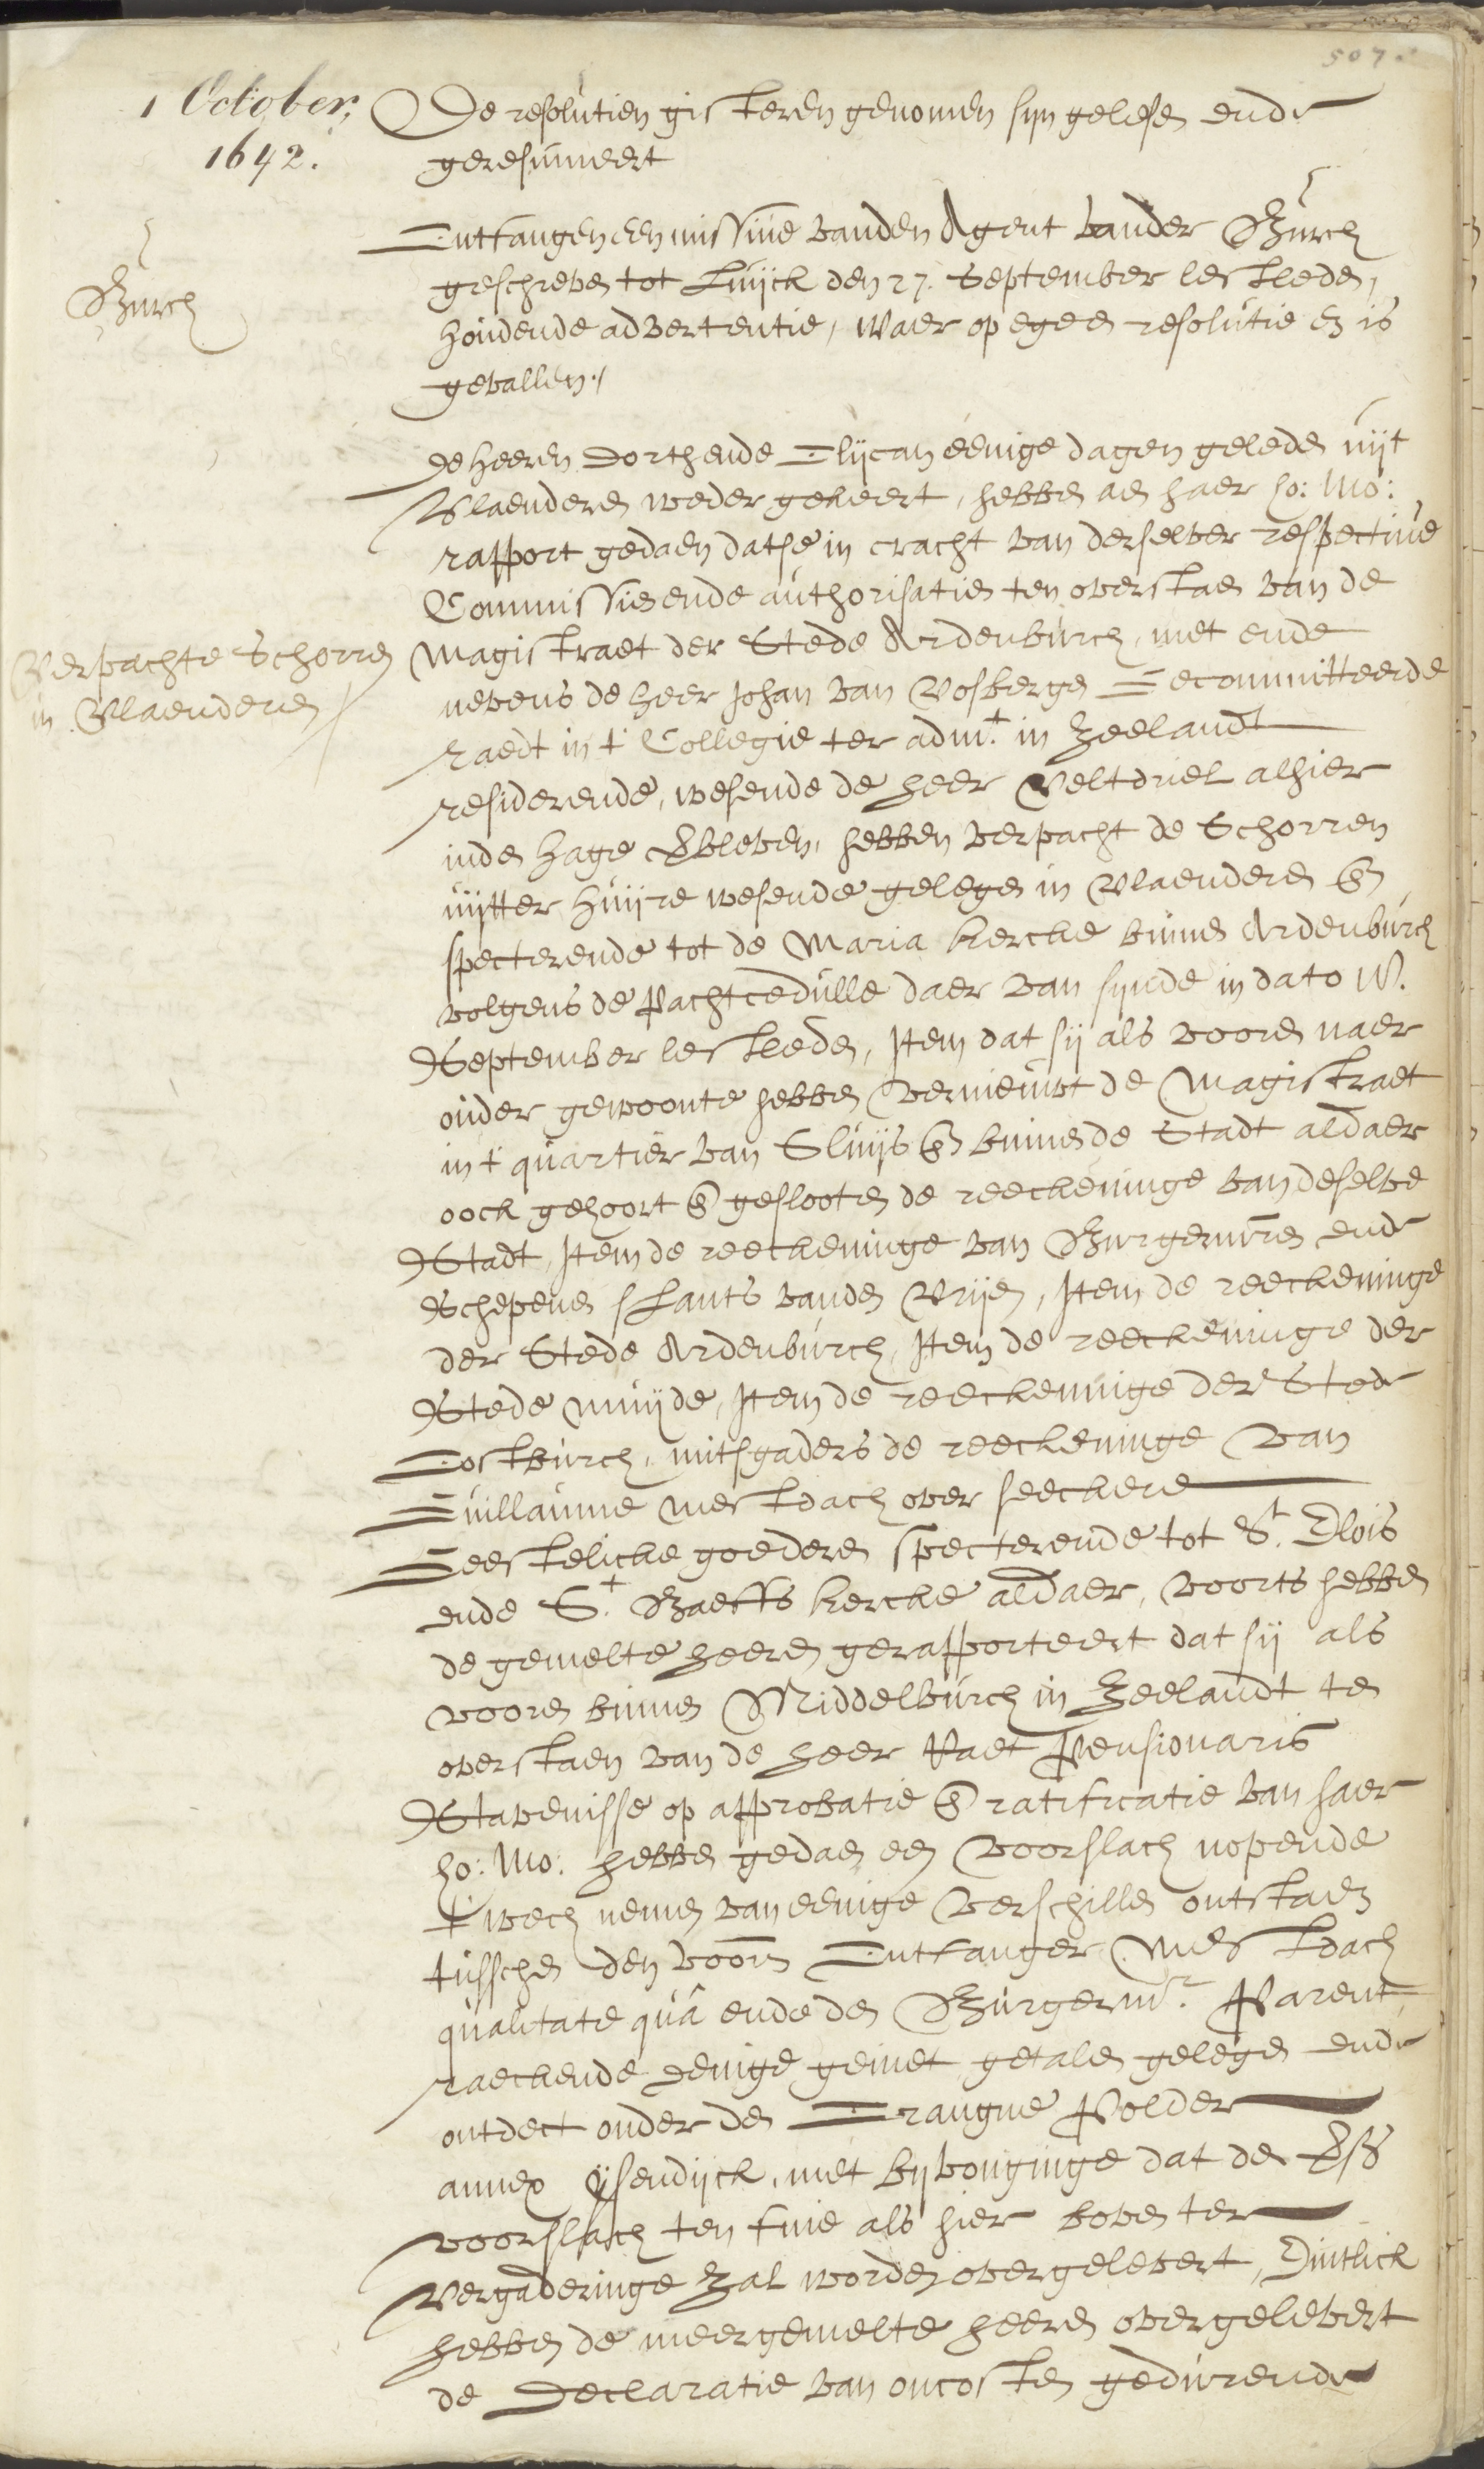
507.
1 October,
1642.
De resolutien gisteren genomen syn gelesen ende
geresumeert
Burch
Ontfangen een missiue vanden Agent vander Burch
geschreven tot Luijck den 27. September lestleden,
houdende advertentie, Waer op egeen resolutie en is
gevallen.
Verpachte Schorren
in Vlaenderen.
De heeren Dorth ende Olijcan eenige dagen geleden uijt
Vlaenderen weder gekeert, hebben aen haer ho:Mo:
rapport gedaen datse in cracht van derselver respectiue
Commissien ende authorisatien ten overstaen van de
Magistraet der Stede Ardenburch, met ende
nevens de heer Johan van Vosbergen Gecommitteerde
raedt in t' Collegie ter Admt. in Zeelandt
residerende, wesende de heer Veltdriel alhier
inden Hage vbleven, hebben verpacht de Schorren
uijtter huijre wesende gelegen in Vlaenderen &
specterende tot de Maria kercke binnen Ardenburch
volgens de Pachtcedulle daer van synde in dato 18.
September lestleden, Item dat sij als vooren naer
ouder gewoonte hebben vernieuwt de magistraet
in t'quartier van Sluijs & binnen de Stadt aldaer
oock gehoort & geslooten de reeckeninge van deselve
Stadt, Item de reeckeninge van Burgermren ende
Schepenen sLants vanden Vrijen, Item de reeckeninge
der Stede Ardenburch, Item de reeckeninge der
Stede Muijde, Item de reeckeninge der Stede
Oostburch, mitsgaders de reeckeninge van
Guillaume mestdach over seeckere
Geestelicke goederen specterende tot St. Elois
ende St. Baeffs kercke aldaer, voorts hebben
de gemelte heeren gerapporteert dat sij als
vooren binnen Middelburch in Zeelandt ten
overstaen van de heer Raet Pensionaris
Stavenisse op approbatie & ratificatie van haer
ho:Mo: hebben gedaen een voorslach nopende
t'wech nemen van eenige verschillen ontstaen
tusschen den voorn Ontfanger mestdach
qualitate quâ ende den Burgermr. Parent,
raeckende eenige gemet getalen gelegen ende
ontdect onder den Orangne Polder
annex IJsendijck, met bijvouginge dat de vs
voorslach ten fine als hier boven ter
Vergaderinge zal worden overgelevert. Eintlick
hebben de meergemelte heeren overgelevert
de Declaratie van oncosten gedurende
